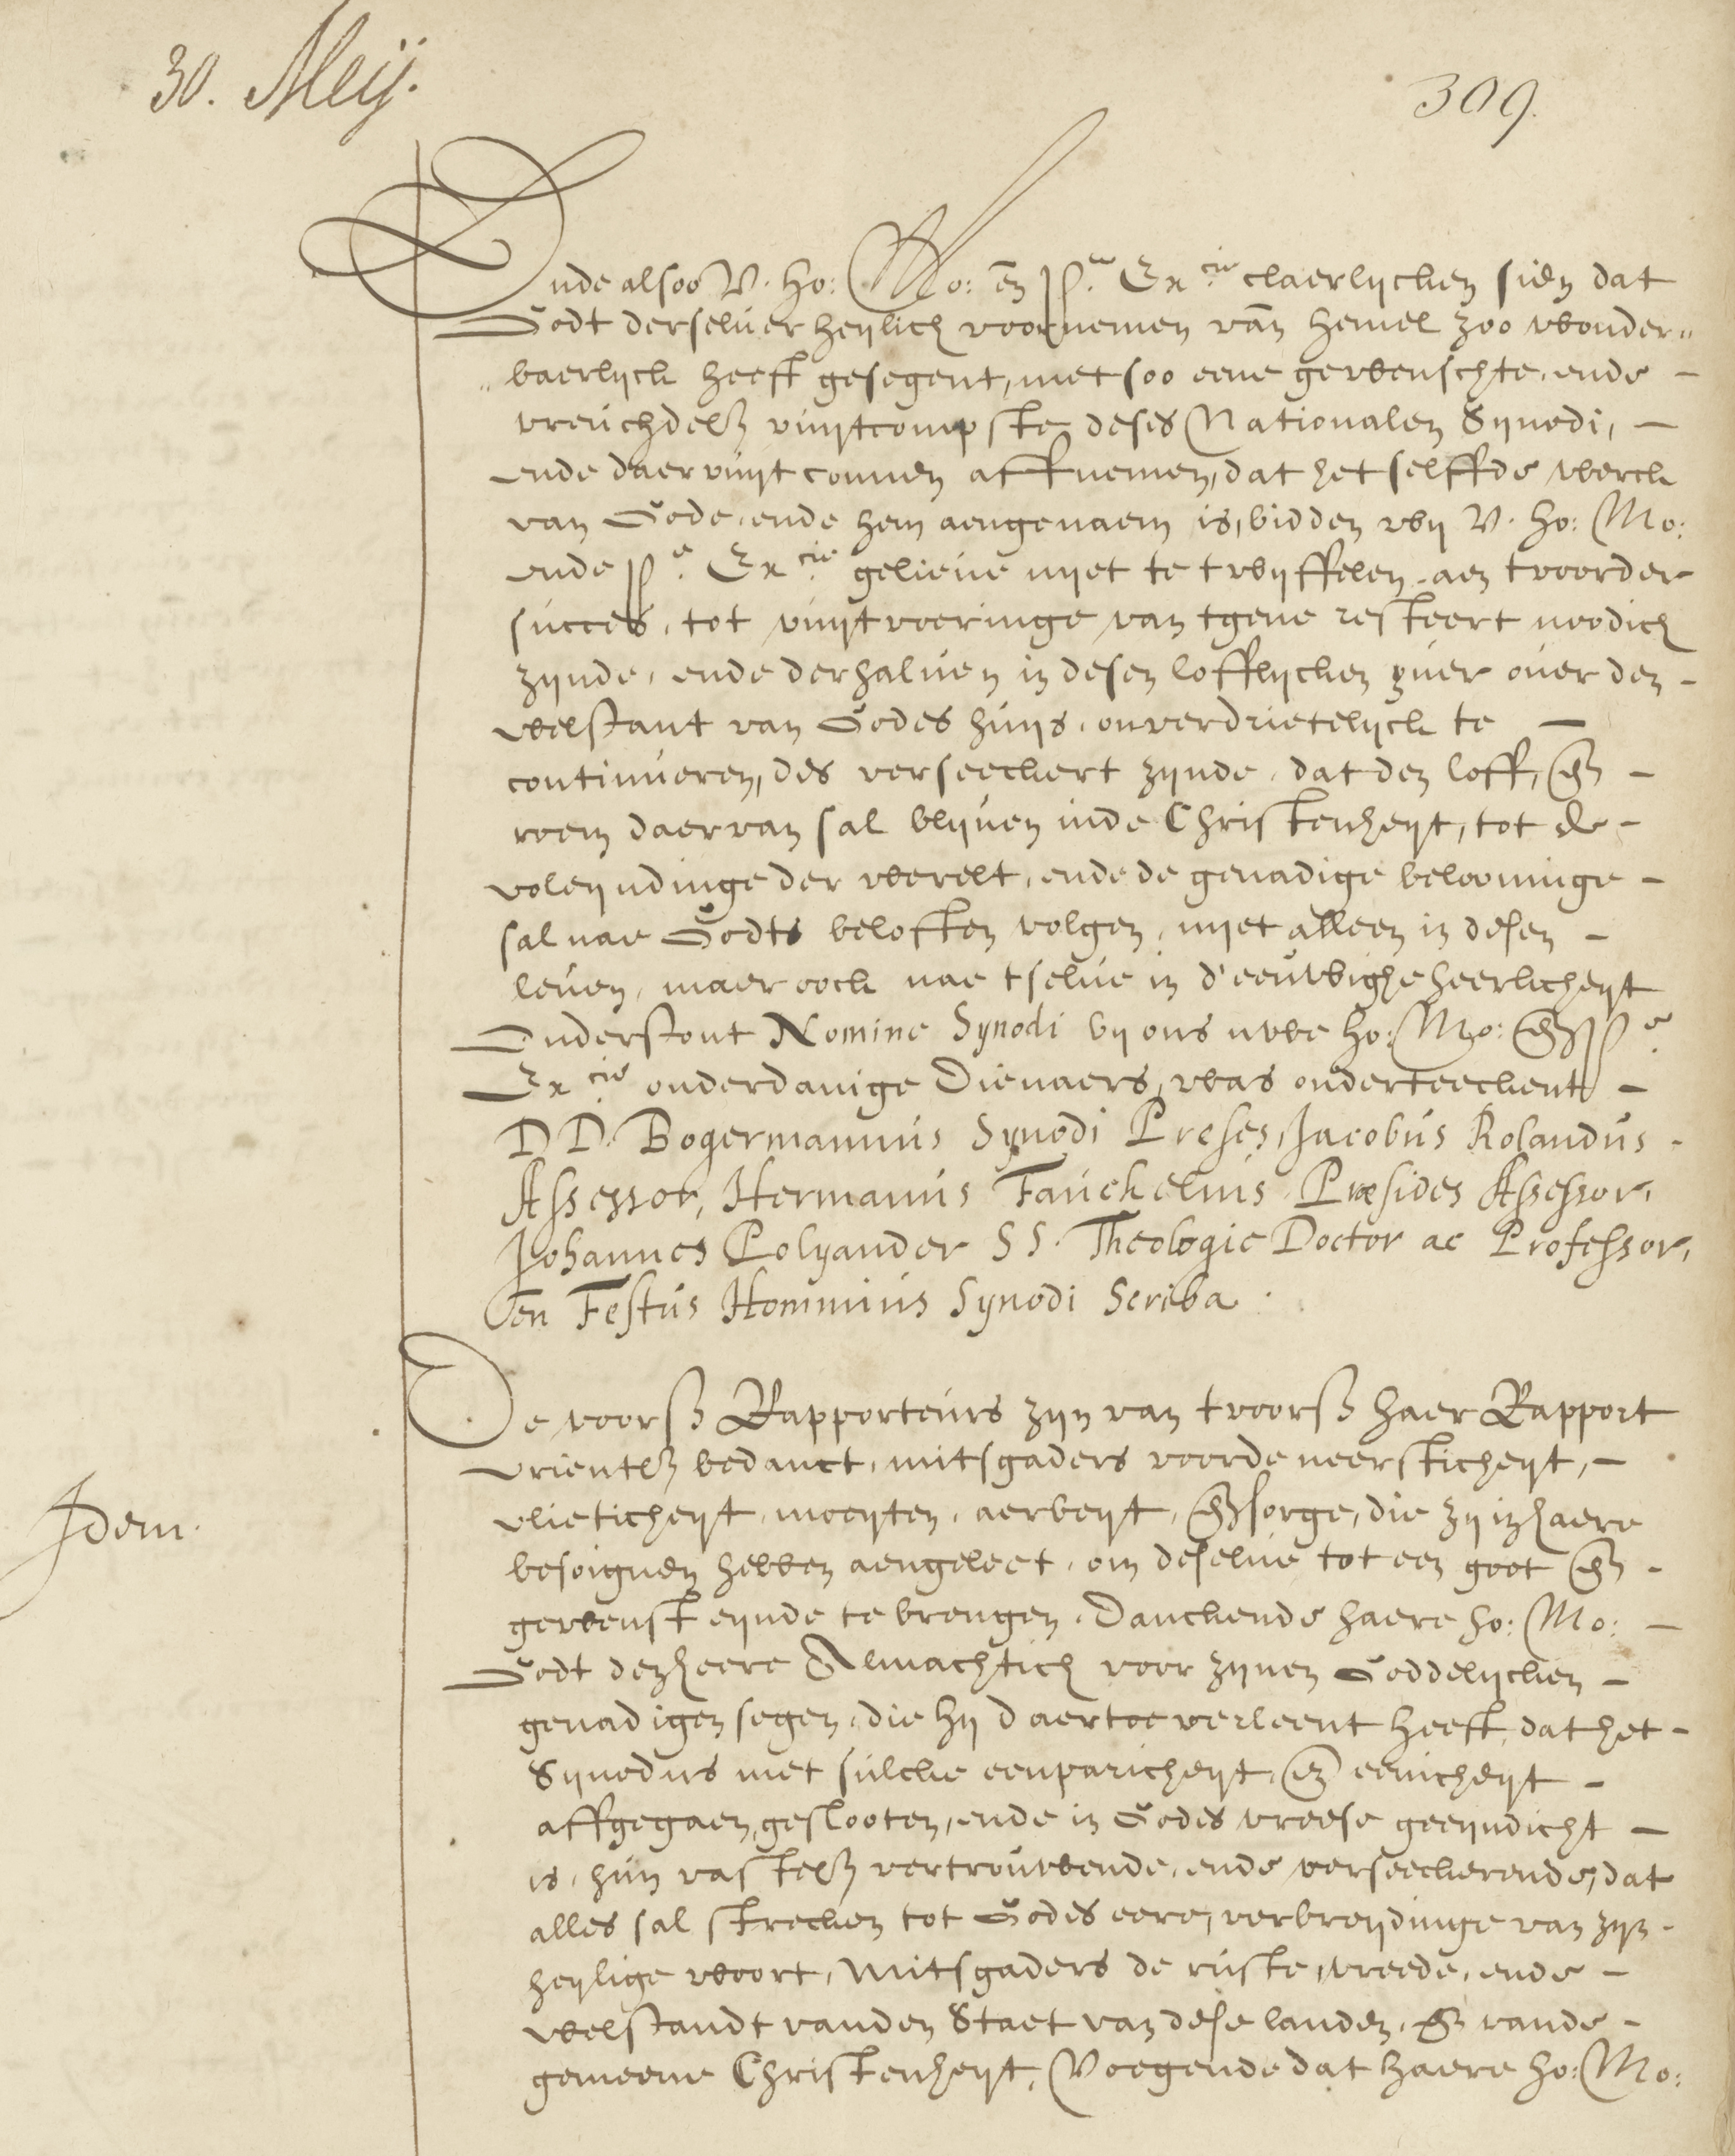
309.
30. Meij.
Ende alsoo U. ho:Mo: en Pe. Excie. claerlycken sien dat
Godt derselver heylich voornemen van hemel zoo wonder„
„baerlyck heeft gesegent, met soo eene gewenschte, ende
vreuchdel vuytcompste deses Nationalen Synodi,
ende daer vuyt connen affnemen, dat het selffde werck
van Gode, ende hem aengenaem is, bidden wy U. ho:Mo:
ende Pe. Excie. gelieue nyet te twyffelen, aen tvoorder
succes, tot vuytvoeringe van tgene resteert noodich
zynde, ende derhaluen in desen lofflycken yuer ouer den
welstant van Godes huys, onverdrietelyck te
continueren, des verseeckert zynde, dat den loff, &
roem daervan sal blyuen inde Christenheyt, tot de
voleyndinge der werelt, ende de genadige belooninge
sal nae Godts beloften volgen, nyet alleen in desen
leuen, maer oock nae 'tselue in d‛eeuwighe heerlicheyt
Onderstont Nomine Synodi by ons uwe ho:Mo: & Pe.
Excie. onderdanige Dienaers was onderteeckent
D D. Bogermannus Synodi Preses, Jacobus Rolandus,
Assesor, Hermanus Fauckelius, Præsides Assessor,
Johannes Polyander S S. Theologie Doctor ac Professor,
en Festus Hommius Synodi Scriba.
Idem.
De voors Rapporteurs zyn van tvoors haer Rapport
vrientel bedanct, mitsgaders voorde neersticheyt,
vlieticheyt, moeyten, aerbeyt, & sorge, die zy in haere
besoignen hebben aengeleet, om deselue tot een goet &
gewenst eynde te brengen, Danckende haere ho:Mo:
Godt den heere Almachtich voor zynen Goddelycken
genadigen segen, die hy daertoe verleent heeft dat het
Synodus met sulcke eenparicheyt, en eenicheyt
affgegaen, geslooten, ende in Godes vreese geeyndicht
is, hun vastel vertrouwende, ende verseeckerende, dat
alles sal strecken tot Godes eeren, verbreydinge van zyn
heylige woort, mitsgaders de ruste, vreede, ende
welstandt vanden Staet van dese landen, & vande
gemeene Christenheyt. Voegende dat haere ho:Mo:
